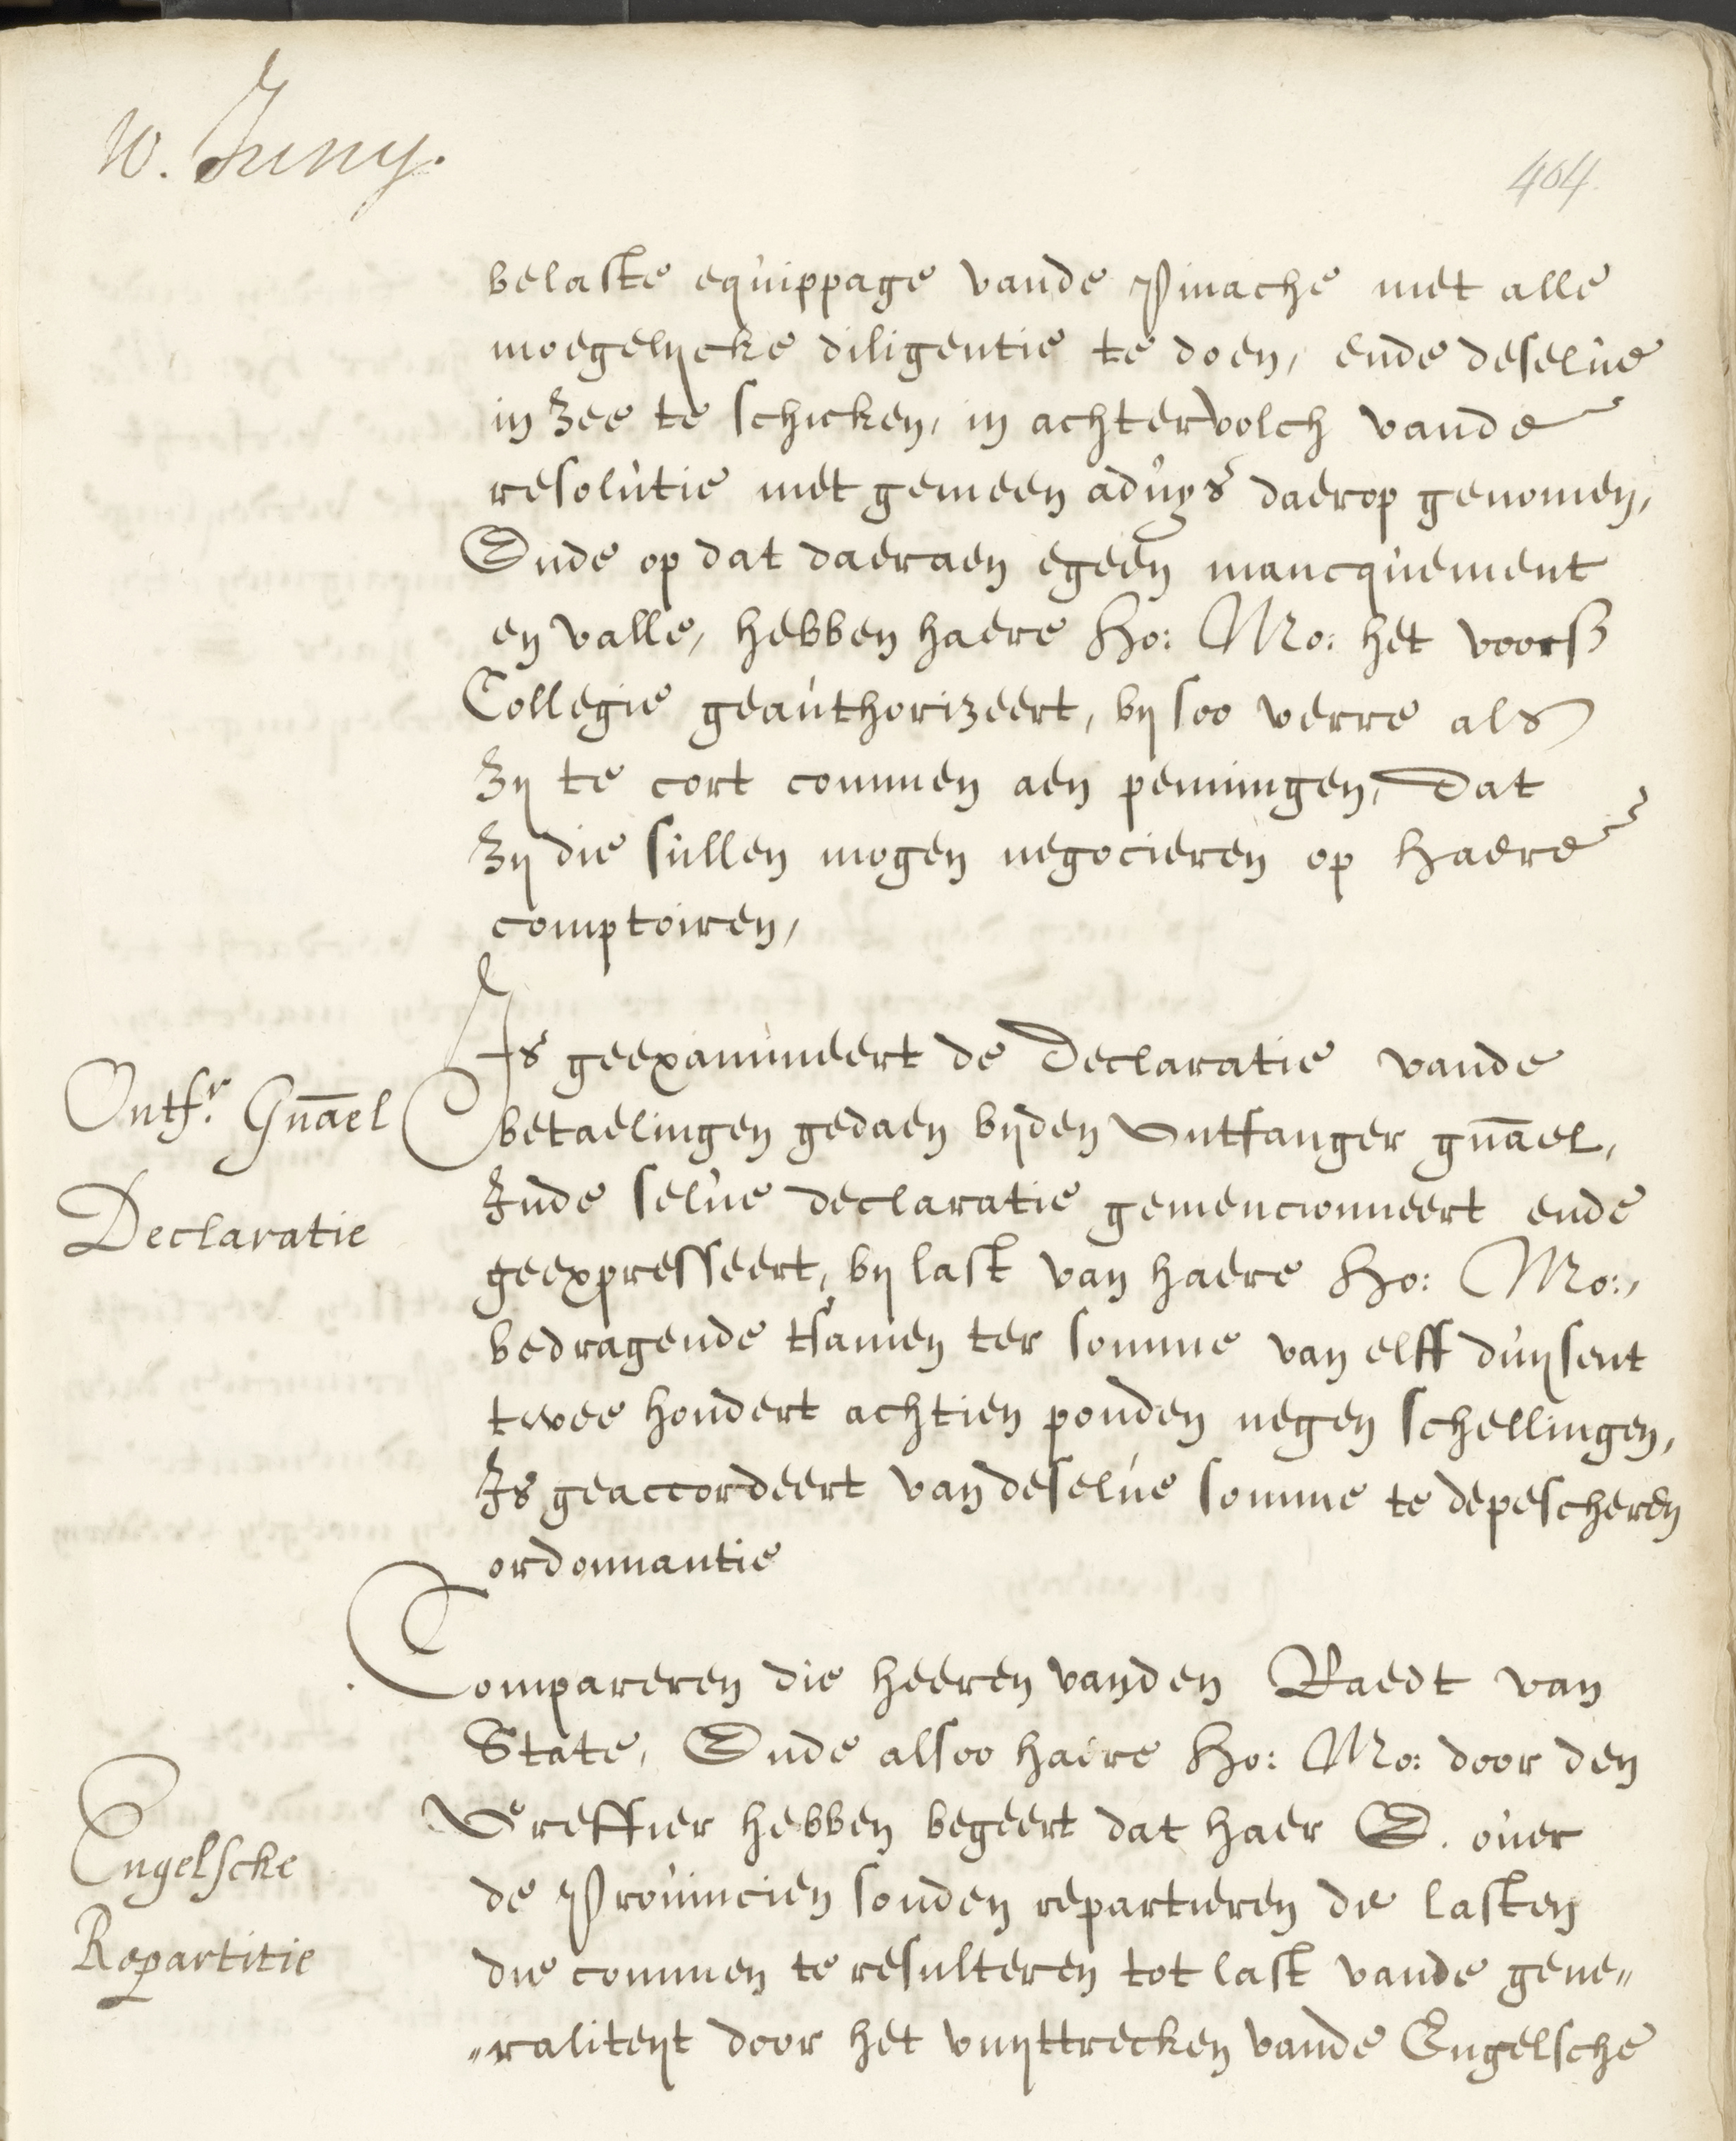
404
10. Juny.
belaste equippage vande Pinache met alle
moegelycke diligentie te doen, ende deselue
in zee te schicken, in achtervolch vande
resolutie met gemeen aduys daerop genomen.
Ende op dat daeraen egeen mancquement
en valle, hebben haere Ho:Mo: het voors
Collegie geauthorizeert, by soo verre als
zy te cort commen aen penningen, Dat
zy die sullen mogen negocieren op haere
comptoiren.
Ontfr. Gnael
Declaratie
Is geexamineert de declaratie vande
betaelingen gedaen byden Ontfanger gnael,
Inde selue declaratie gemencionneert ende
geexpresseert, bij last van haere Ho:Mo:,
bedragende tsamen ter somme van elff duysent
twee hondert achtien ponden negen schellingen,
Is geaccordeert van deselue somme te depescheren
ordonnantie.
Engelsche
Repartitie
Compareren die heeren vanden Raedt van
State, Ende alsoo haere Ho:Mo: door den
Greffier hebben begeert dat haer E. ouer
de Prouincien souden repartieren de lasten
die commen te resulteren tot last vande gene„
„raliteyt door het vuyttrecken vande Engelsche
